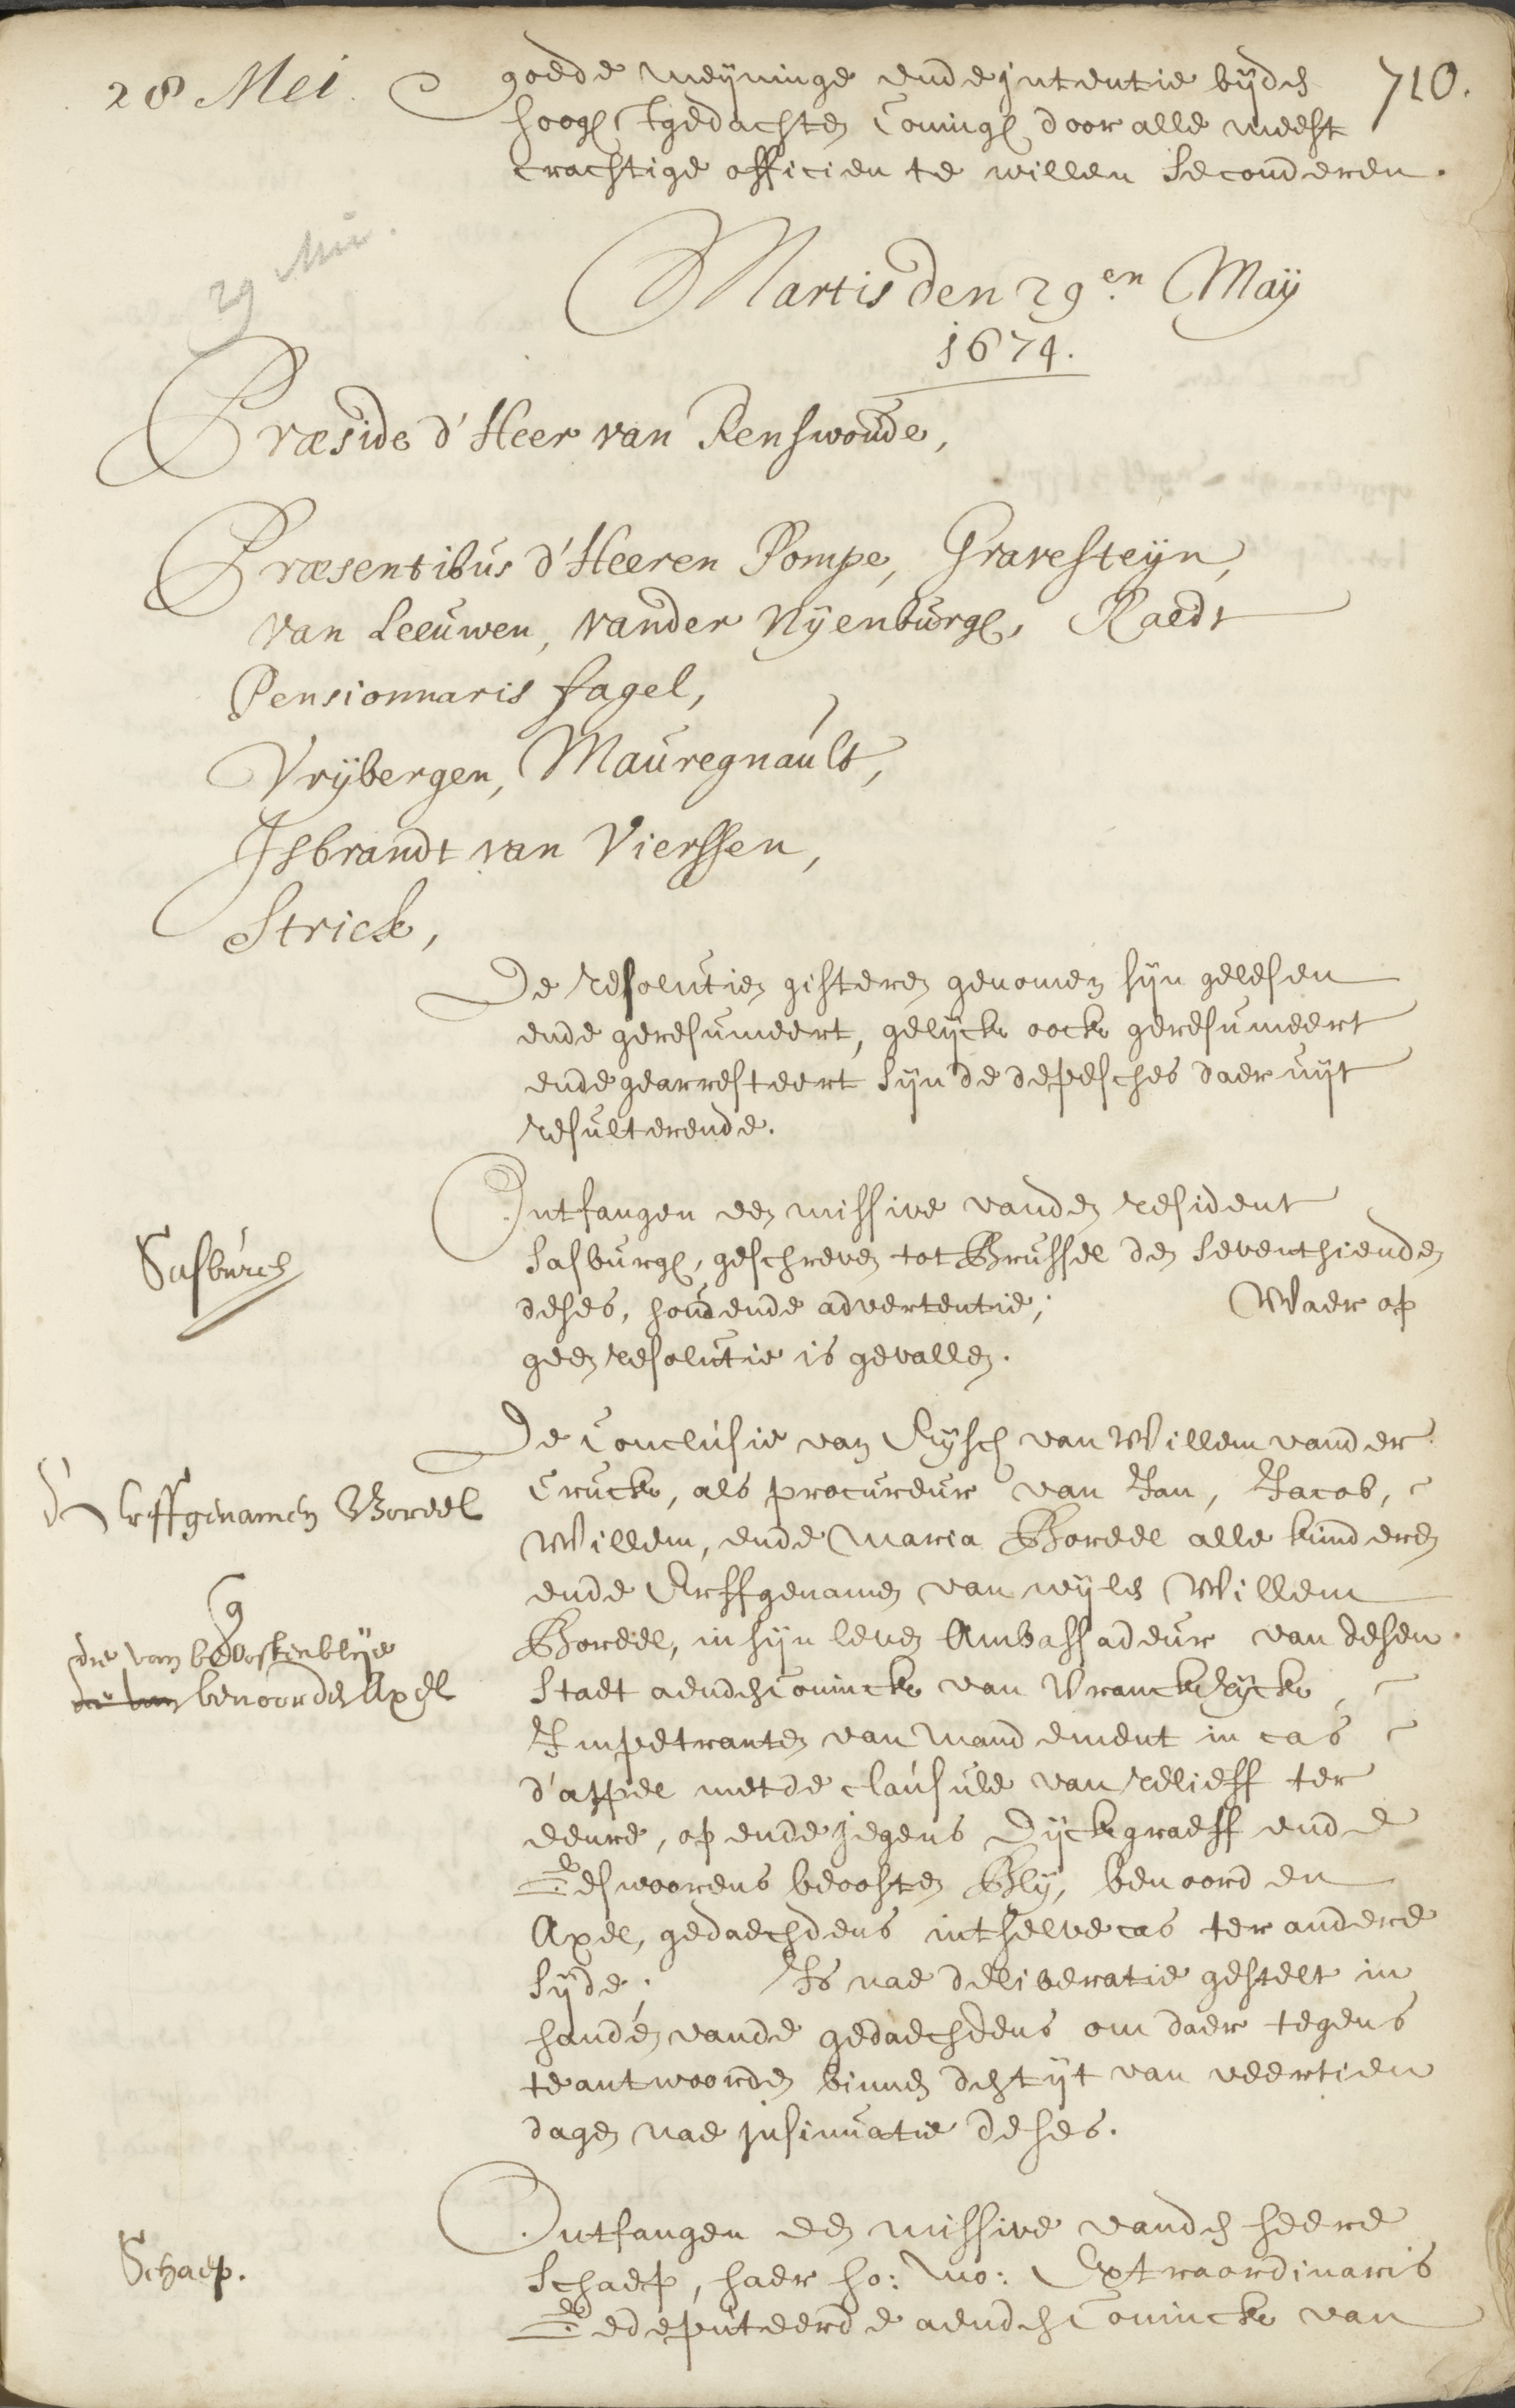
710.
goede meijninge ende intentie bijden
hooghstgedachten Coningh door alle meest
crachtige officien te willen seconderen.
28 Mei.
Martis den 29en. Maij
1674.
Præside d'Heer van Renswoude,
Præsentibus d'Heeren Pompe, Gravesteijn,
van Leeuwen, vander Nijenburgh, Raedt
Pensionnaris Fagel,
Vrijbergen, Mauregnault,
Isbrandt van Vierssen,
Strick,
De resolutien gisteren genomen sijn gelesen
ende geresumeert, gelijck oock geresumeert
ende gearresteert sijn de depesches daer uijt
resulterende.
Sasburch
Ontfangen een missive vanden resident
Sasburgh, geschreven tot Brussel den seventhienden
deses, houdende advertentie; Waer op
geen resolutie is gevallen.
d‛ Erffgenamen Boreel
ca. die van beOostenblije
die van benoorden Axel
De Conclusie van Eijsch van Willem vander
Cruck, als procureur van Jan, Jacob,
Willem, ende Maria Boreel alle kinderen
ende Erffgenamen van wijlen Willem
Boreel, in sijn leven Ambassadeur van desen,
Staet aenden Coninck van Vranckrijck
Impetranten van mandement in cas
d'appel met de clausule van relieff ter
eenre, op ende jegens Dijckgraeff ende
Geswoorens beoosten Blij, benoorden
Axel, gedaechdens int selve cas ter andere
sijde; Is nae deliberatie gestelt in
handen vande gedaechdens om daer tegens
te antwoorden binnen den tijt van veertien
dagen nae insinuatie deses.
Schaep.
Ontfangen een missive vanden heere
Schaep, haer Ho:Mo: Extraordinaris
Gedeputeerde aenden Coninck van
